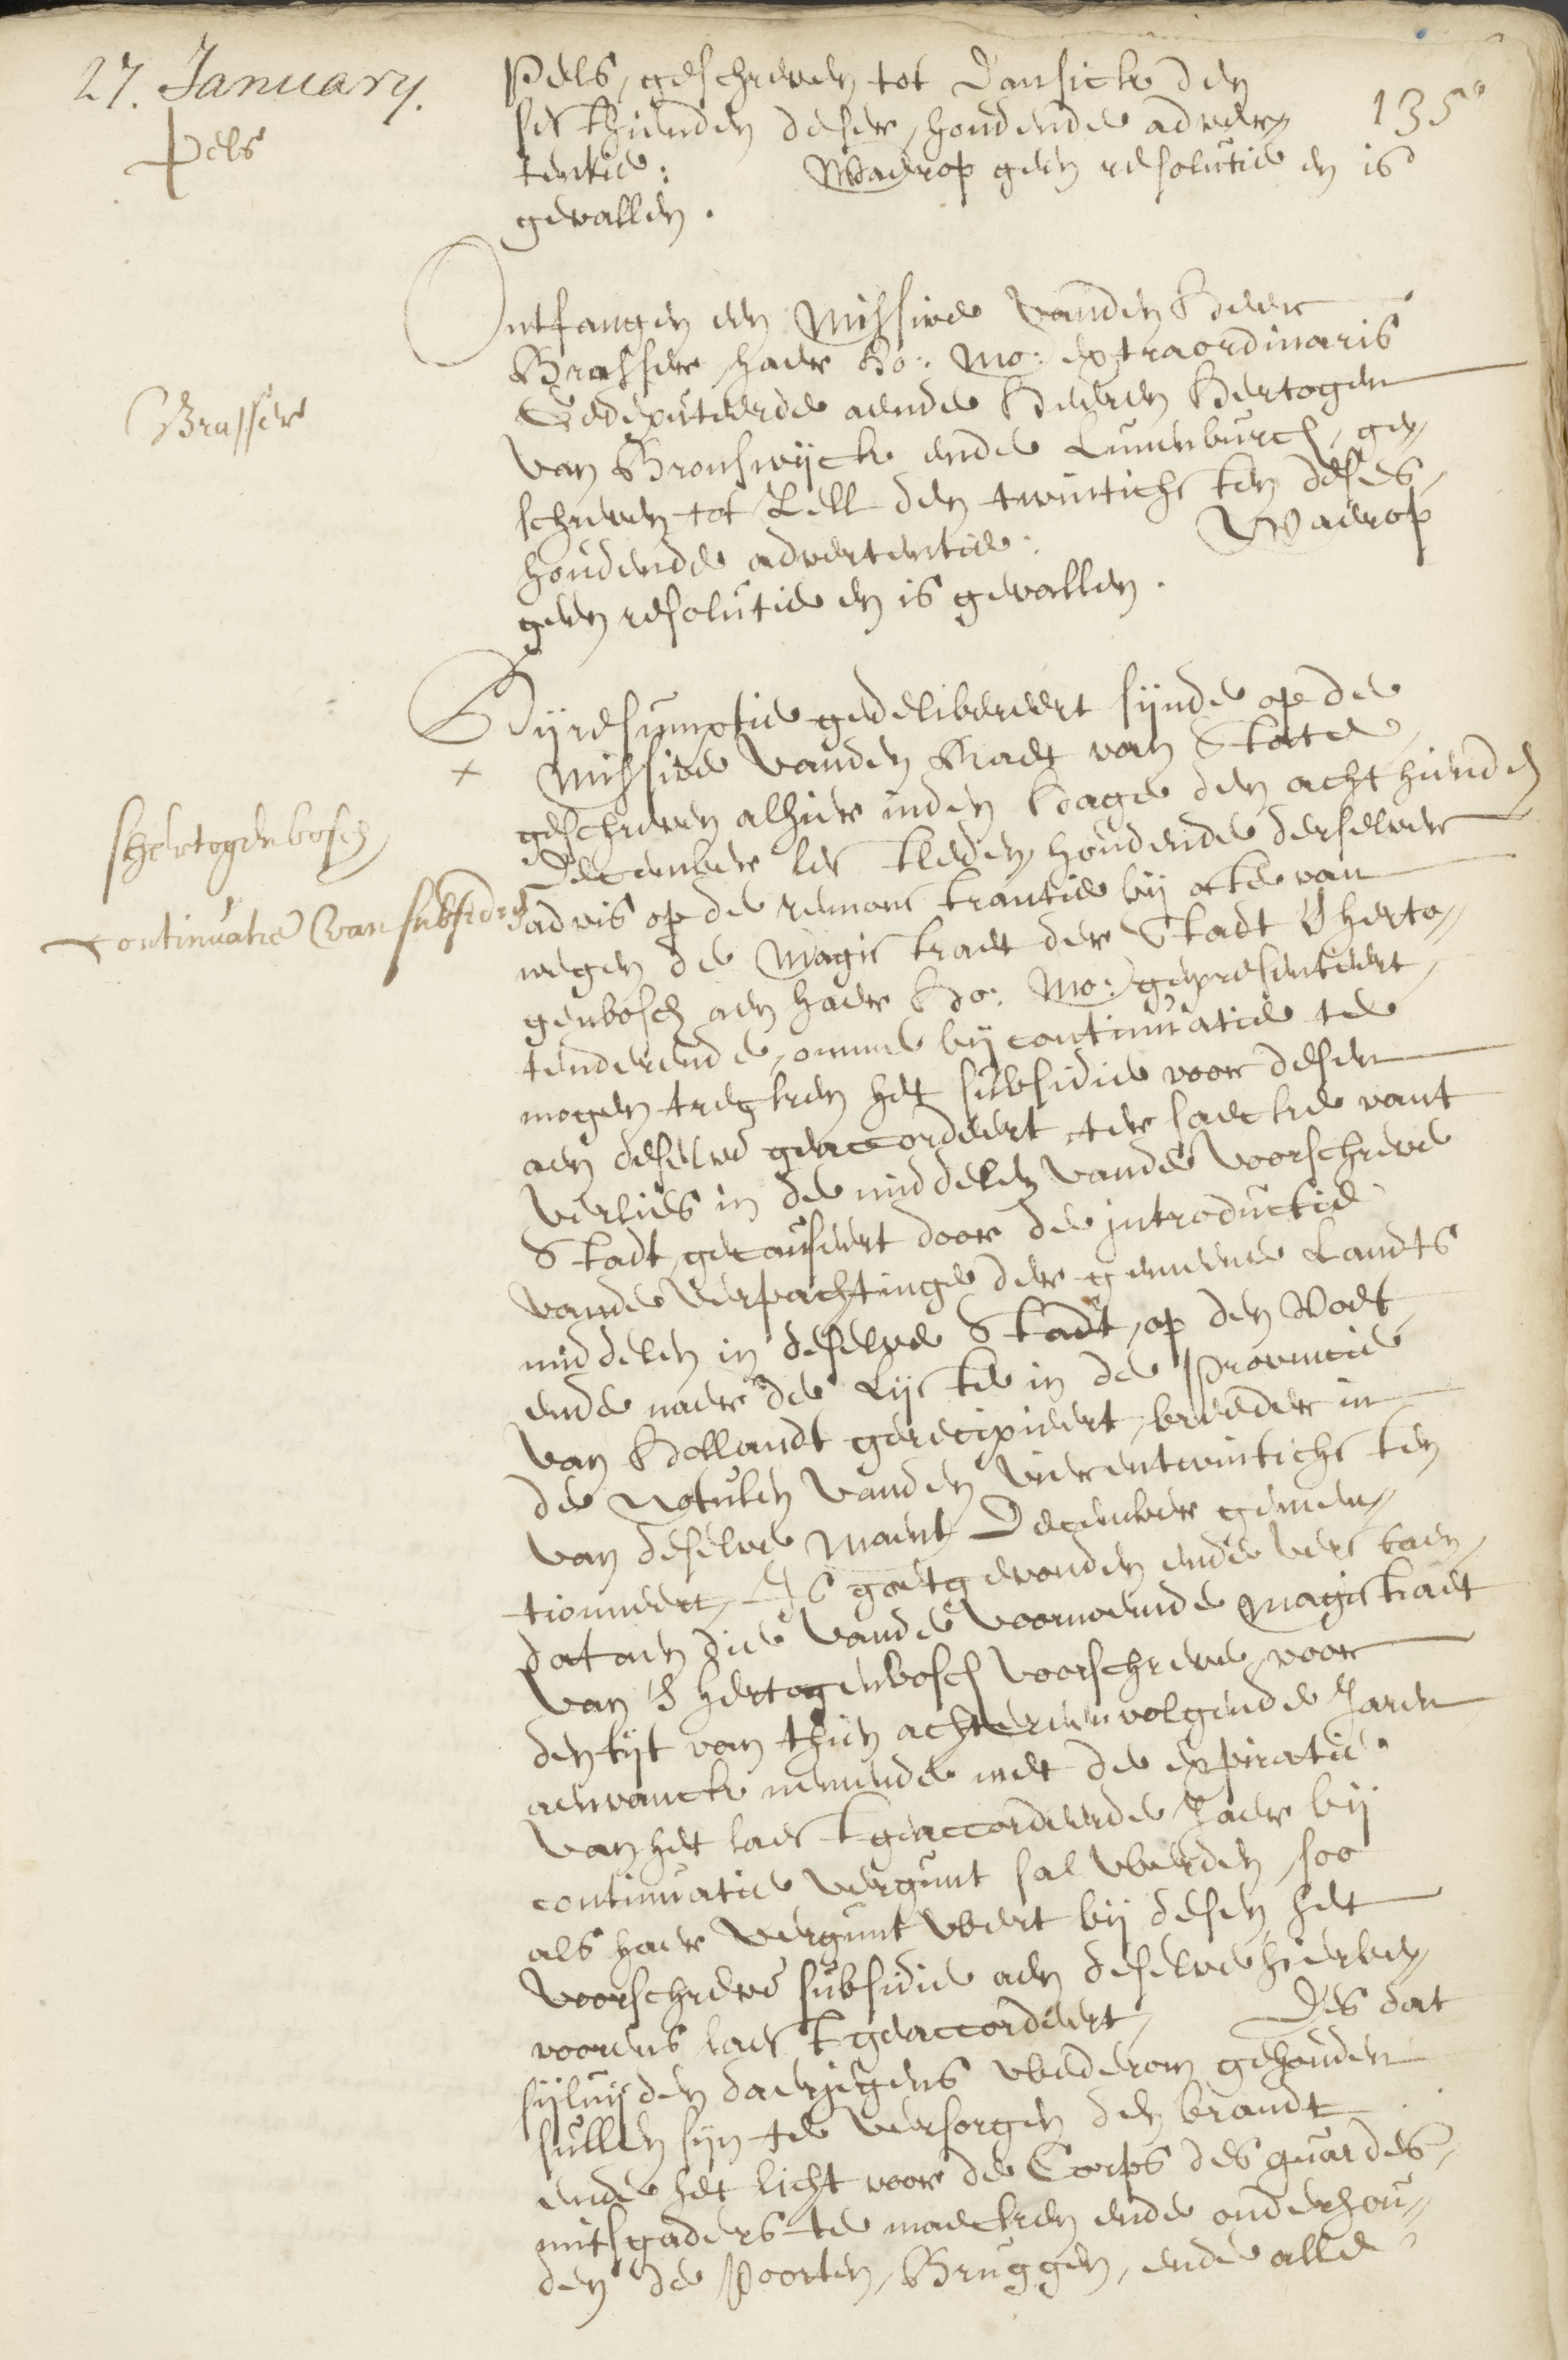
135
27. January.
Pels
Pels, geschreven tot Dansick den
sesthienden deser, houdende adver„
tentie: Waerop geen resolutie en is
gevallen.
Brasser
Ontfangen een Missive vanden Heer
Brasser haer Ho:Mo: extraordinaris
Gedeputeerde aende Heeren Hertogen
van Bronswijck ende Lunenburch, ge„
schreven tot Zell den twintichsten deses,
houdende advertentie: Waerop
geen resolutie en is gevallen.
shertogenbosch
continuatie van subsidien
Bij resumptie gedelibereert sijnde op de
Missive vanden Raet van State,
geschreven alhier inden Hage den achthienden
December lestleden, houdende derselver
advis op de remonstrantie bij ofte van
wegen de magistraet der Stadt ‛s herto,,
genbosch aen haer Ho:Mo: gepresenteert,
tenderende, omme bij continuatie te
mogen trecken het subsidie voor desen
aen deselve geaccordeert, ter saecke vant
verlies in de middelen vande voorschreve
Stadt, gecauseert door de introductie
vande Verpachtinge der gemeene Landts
middelen in deselve Stadt, op den Voet
ende naer de Lijste in de Provincie
van Hollandt gerecipieert, breeder in
de Notulen vanden vierentwintichsten
van deselve maent December gemen„
tionneert, Is goetgevonden ende verstaen
dat aen die vande voornoemde magistraet
van ‛s hertogenbosch voorschreve, voor
den tijt van thien achtereenvolgende Jaren
aenvanck nemende met de expiratie
van het laest geaccordeerde Jaer bij
continuatie vergunt sal werden, soo
als haer vergunt wert bij desen het
voorschreve subsidie aen deselve hierbe„
voorens haest geaccordeert. Des dat
sijluijden daerjegens wederom gehouden
sullen sijn te versorgen den brandt
ende het licht voor de Corps des guardes,
mitsgaders te maecken ende onderhou„
den de Poorten, Bruggen, ende alle
